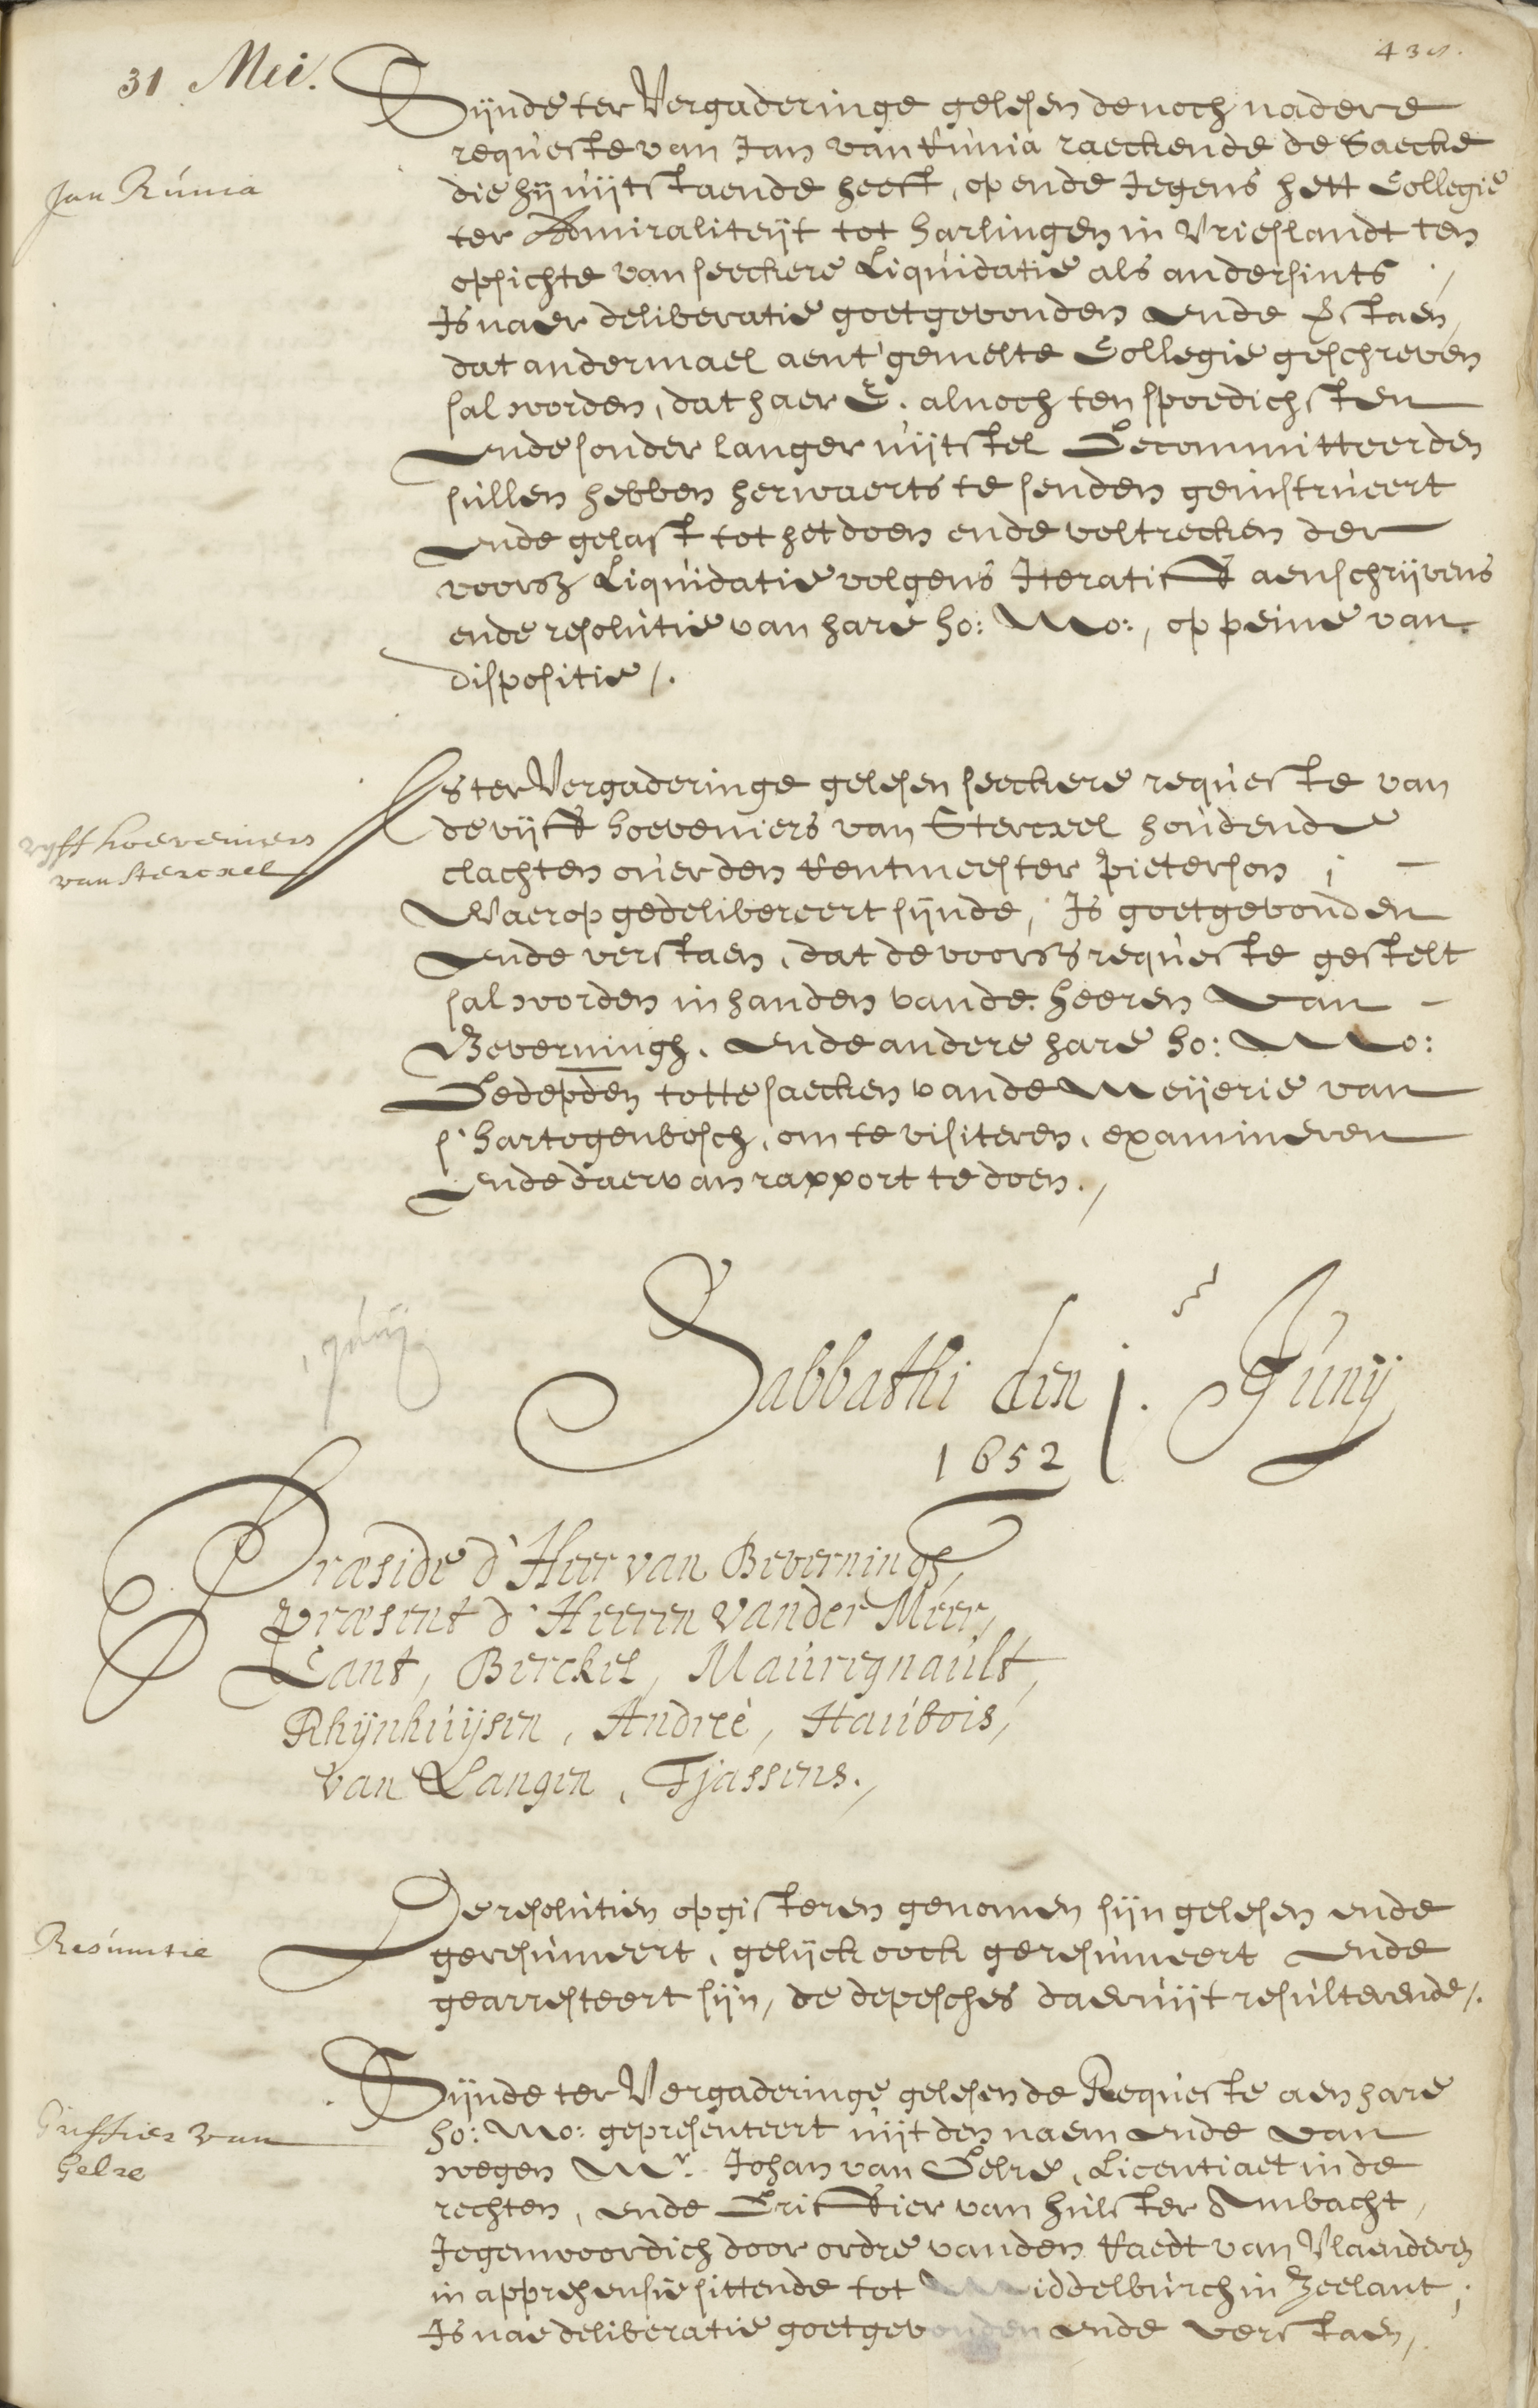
438
31. Mei.
Jan Runia
Sijnde ter Vergaderinge gelesen de noch nadere
requeste van Jan van Runia raeckende de Saecke
die hij uijtstaende heeft, op ende Jegens hett Collegie
ter Admiraliteijt tot harlingen in Vrieslandt ten
opsichte van seeckere Liquidatie als andersints
Is naer deliberatie goetgevonden ende vstaen
dat andermael aent' gemelte Collegie geschreven
sal worden, dat haer E. alnoch ten spoedichsten
ende sonder langer uijtstel Gecommitteerden
sullen hebben herwaerts te senden geinstrueert
Ende gelast tot het doen ende voltrecken der
voorsz Liquidatie volgens Iteratiff aenschrijvens
ende resolutie van hare ho:Mo:, op peine van
dispositie.
vijff hoeveniers
van stercxel
Is ter Vergaderinge gelesen seeckere requeste van
de vijff hoeveniers van Stercxel houdende
clachten over den Rentmeester Pieterson;
Waerop gedelibereert sijnde, Is goetgevonden
ende verstaen, dat de voors requeste gestelt
sal worden in handen vande heeren van
Beverningh, ende andere hare ho:Mo:
Gedepden totte saecken vande Meijerie van
s'hartogenbosch, om te visiteren, examineren
Ende daervan rapport te doen.
1 Junij
Sabbatti den i. Junij
1652
Præside d'Heer van Beverninge
Præsent d'Heeren vander Meer,
Cant, Berckel, Mauregnault
Rhijnhuijsen, Andree, Haubois,
van Langen, Tjassens.
Resumtie
De resolutien opgisteren genomen sijn gelesen ende
geresumeert, gelijck oock geresumeert ende
gearresteert sijn, de depesches daeruijt resulterende.
Griffier van
Gelre
Sijnde ter Vergaderinge gelesen de Requeste aen hare
ho:Mo: gepresenteert uijt den naem ende van
wegen Mr. Johan van Gelre, Licentiaet in de
rechten, ende Griffier van Hulster Ambacht
Jegenwoordich door ordre vanden Raedt van Vlaenderen
in apprehensie sittende tot Middelburch in Zeelant;
Is nae deliberatie goetgevonden ende verstaen,
